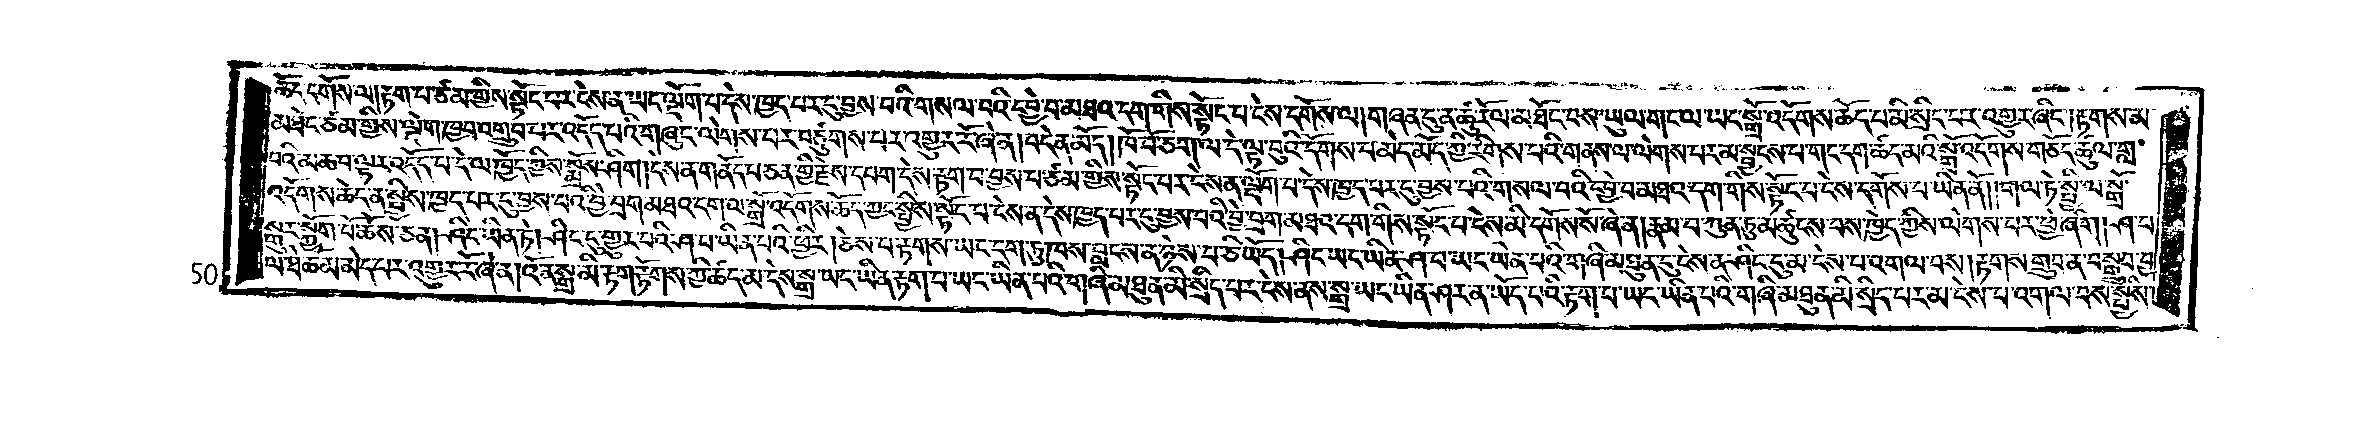ཆོད་དགོས་ལ། རྟག་པ་ཙམ་གྱིས་སྟོང་པར་ངེས་ན་ཡང་ལྡོག་པ་དེས་ཁྱད་པར་དུ་བྱས་པའི་གསལ་བའི་དབྱེ་བ་མཐའ་དག་གིས་སྟོང་པ་ངེས་དགོས་ལ། གཞན་དུ་ན་ཚུ་རོལ་མཐོང་བས་ཡུལ་གང་ལ་ཡང་སྒྲོ་འདོགས་ཆོད་པ་མི་སྲིད་པར་འགྱུར་ཞིང་། རྟགས་མ་
མཐོང་ཙམ་གྱིས་ལྡོག་ཁྱབ་འགྲུབ་པར་འདོད་པའི་གཞུང་ལེགས་པར་བཙུགས་པར་འགྱུར་རོ་ཞེ་ན། བདེན་མོད། ཁོ་བོ་ཅག་ལ་དེ་ལྟ་བུའི་དོགས་པ་མེད་མོད་ཀྱི་རིགས་པའི་གནས་ལ་ལེགས་པར་མ་སྦྱངས་པ་གང་དག་ཚད་མའི་སྒྲོ་འདོགས་གཅོད་ཚུལ་གླ་
བའི་མཚའ་ལྟར་འདོད་པ་དེ་ལ་ཁྱོད་ཀྱིས་སྨྲོས་ཤིག །དེས་ན་གནོད་པ་ཅན་གྱི་རྗེས་དཔག་དེས་རྟག་པ་བྱས་པ་ཙམ་གྱིས་སྟོང་པར་ངེས་ན་ལྡོག་པ་དེས་ཁྱད་པར་དུ་བྱས་པའི་གསལ་བའི་དབྱེ་བ་མཐའ་དག་གིས་སྟོང་པ་ངེས་དགོས་པ་ཡིན་ནོ། །གལ་ཏེ་སྤྱི་ལ་སྒྲོ་
འདོགས་ཆེད་ན་སྤྱིས་ཁྱད་པར་དུ་བྱས་པའི་བྱེ་བྲག་མཐའ་དག་ལ་སྒྲོ་འདོགས་ཆོད་ཀྱང་སྤྱིས་སྟོང་པ་ངེས་ན་དེས་ཁྱད་པར་དུ་བྱས་པའི་བྱེ་བྲག་མཐའ་དག་གིས་སྟོང་པ་ངེས་མི་དགོས་སོ་ཞེ་ན། རྣམ་པ་ཀུན་ཏུ་མཚུངས་པས་ཁྱེད་ཀྱིས་ལེགས་པར་ཕྱེ་ཞིག །ཤ་པ་
སྒུར་སྐྱོག་པོ་ཆོས་ཅན། ཤིང་ཡིན་ཏེ། ཤིང་དུ་གྱུར་པའི་ཤ་པ་ཡིན་པའི་ཕྱིར། ཅེས་པ་རྟགས་ཡང་དག་ཏུ་ཁས་བླངས་ན་ཉེས་པ་ཅི་ཡོད། ཤིང་ཡང་ཡིན་ཤ་བ་ཡང་ཡིན་པའི་གཞི་མཐུན་དུ་ངེས་ན་ཤིང་དུ་མ་ངེས་པ་འགལ་བས། རྟགས་གྲུབ་ན་བསྒྲུབ་བྱ་
ལ་ཐེ་ཚོམ་མེད་པར་འགྱུར་རོ་ཞེ་ན། འོ་ན་སྒྲ་མི་རྟག་རྟོགས་ཀྱི་ཚད་མ་དེས་སྒྲ་ཡང་ཡིན་རྟག་པ་ཡང་ཡིན་པའི་གཞི་མཐུན་མི་སྲིད་པར་ངེས་ནས་སྒྲ་ཡང་ཡིན་ཤར་ན་ཡོད་པའི་རྟག་པ་ཡང་ཡིན་པའི་གཞི་མཐུན་མི་སྲིད་པར་མ་ངེས་པ་འགལ་བས་སྤྱིས་